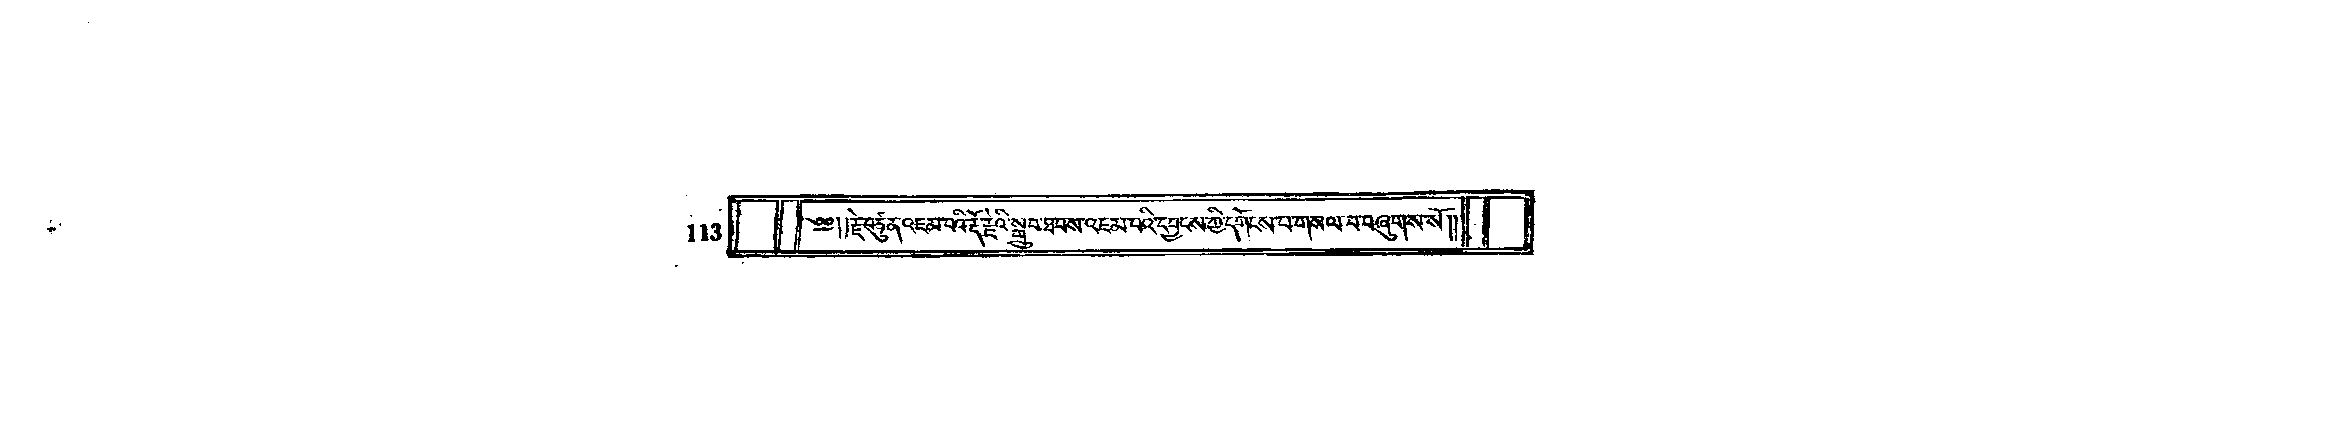༄༅། །རྗེ་བཙུན་འཇམ་པའི་རྡོ་རྗེའི་སྒྲུབ་ཐབས་འཇམ་པའི་དབྱངས་ཀྱི་དགོངས་པ་གསལ་བ་བཞུགས་སོ། །